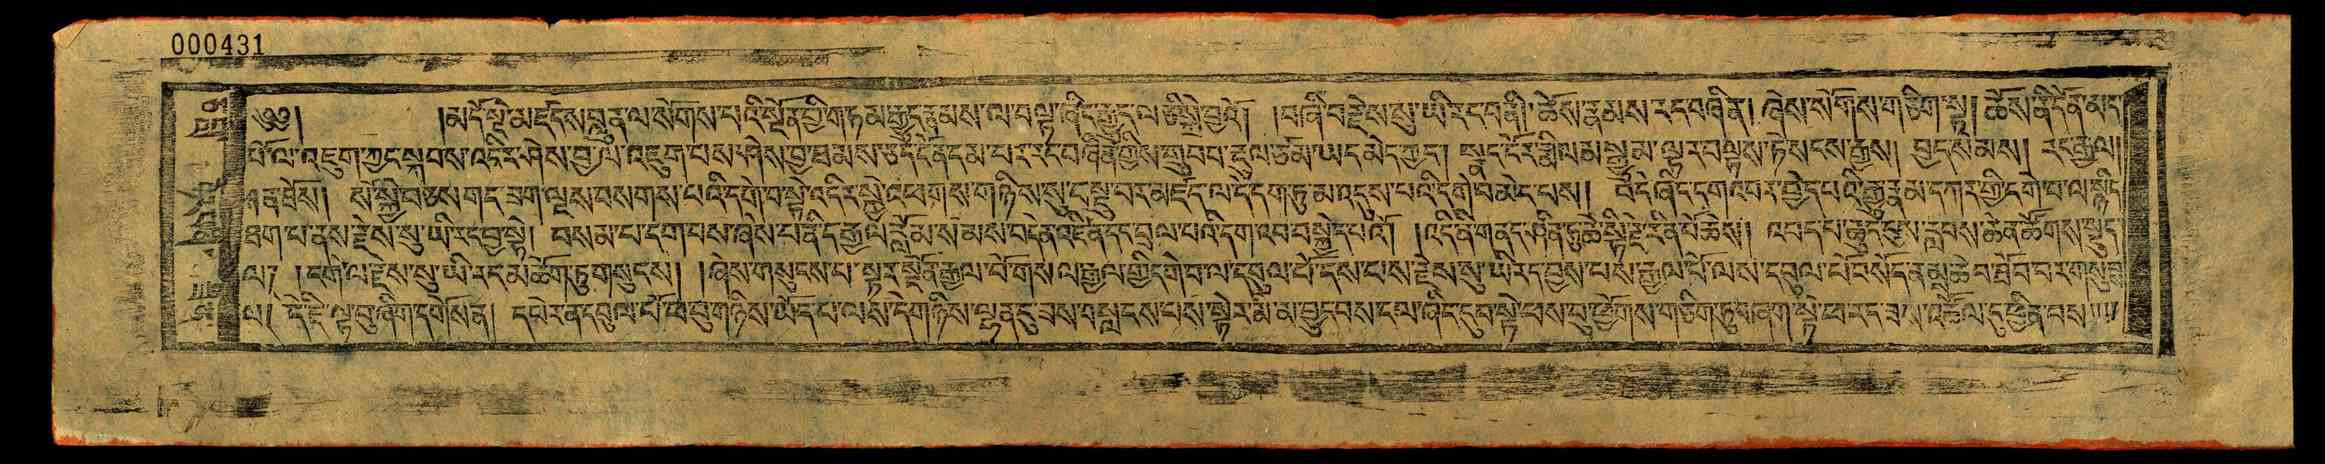༄༅། །མདོ་སྡེ་མཛངས་བླུན་ལ་སོགས་པའི་སྔོན་གྱི་གཏམ་རྒྱུད་རྣམས་ལ་བལྟ་ཞིང་རྒྱུད་ལ་ཅི་སྐྱེ་བྱའོ། །བཞི་པ་རྗེས་སུ་ཡི་རང་བ་ནི། ཆོས་རྣམས་རང་བཞིན། ཞེས་སོགས་གཅིག་སྟེ། ཆོས་ནི་དོན་མང་
པོ་ལ་འཇུག་ཀྱང་སྐབས་འདིར་ཤེས་བྱ་ལ་འཇུག་པས་ཤེས་བྱ་ཐམས་ཅད་དོན་དམ་པར་རང་བཞིན་གྱིས་གྲུབ་པ་རྡུལ་ཙམ་ཡང་མེད་ཀྱང་། སྣང་ངོར་རྨི་ལམ་སྒྱུ་མ་ལྟར་བལྟས་ཏེ་སངས་རྒྱས། བྱང་སེམས། རང་རྒྱལ།
ཉན་ཐོས། སོ་སྐྱེ་བཅས་གང་ཟག་ལྔས་བསགས་པའི་དགེ་བ་སྟེ་འདིར་སྐྱེ་འཕགས་གཉིས་སུ་བསྡུ་བར་མཛད་ལ་དེ་དག་ཏུ་མ་འདུས་པའི་དགེ་བ་མེད་པས། བདེ་ཞིང་དགའ་བར་བྱེད་པའི་རྒྱུ་རྣམ་དཀར་གྱི་དགེ་བ་ལ་སྙིང་
ཐག་པ་ནས་རྗེས་སུ་ཡི་རང་བྱ་སྟེ། བསམ་པ་དག་པས་ཞེས་པ་ནི་ང་རྒྱལ་རློམ་སེམས་བདེན་འཛིན་དང་བྲལ་བའི་དགའ་བ་བསྐྱེད་པའོ། །འདི་ནི་གནད་ཤིན་ཏུ་ཆེ་སྟེ་རྗེ་རིན་པོ་ཆེས། འབད་པ་ཆུང་དུས་རླབས་ཆེན་ཚོགས་སྡུད་
ལ༑ ༑དགེ་ལ་རྗེས་སུ་ཡི་རང་མཆོག་ཏུ་གསུངས། །ཞེས་གསུངས་པ་ལྟར་སྔོན་རྒྱལ་པོ་གསལ་རྒྱལ་གྱི་དགེ་བ་ལ་དབུལ་པོ་དེས་པས་རྗེས་སུ་ཡི་རང་བྱས་པས་རྒྱལ་པོ་ལས་དབུལ་པོ་བསོད་ནམས་ཆེ་བ་ཐོབ་པར་གསུངས་
ལ༑ དེ་ཇི་ལྟ་བུ་ཞིག་དགོས་ན། དཔེར་ན་དབུལ་པོ་ཕ་བུ་གཉིས་ཡོད་པ་ལས་དེ་གཉིས་ལྷན་དུ་ཟས་བསླངས་པས་སྟེར་མི་མ་བྱུང་བས་ངལ་ཞིང་དུབ་སྟེ་ཕས་བུ་ཕྱོགས་གཅིག་ཏུ་བཞག་སྟེ་ཕ་རང་ཟས་འཚོལ་དུ་ཕྱིན་པས་